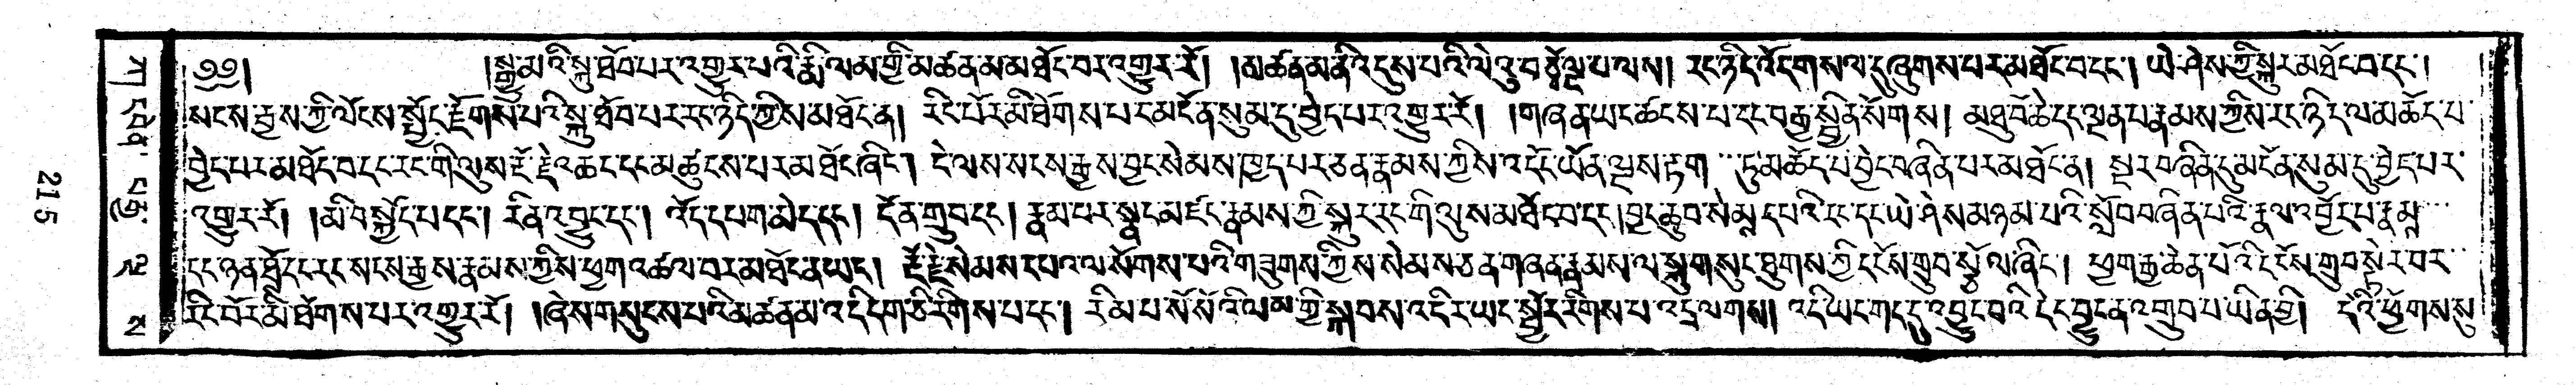༄༅། །སྒྱུ་མའི་སྐུ་ཐོབ་པར་འགྱུར་པའི་རྨི་ལམ་གྱི་མཚན་མ་མཐོང་བར་འགྱུར་རོ། །མཚན་མ་ནི་འདུས་པའི་ལེའུ་བཅྭོ་ལྔ་པ་ལས། རང་ཉིད་འོད་གསལ་དུ་ཞུགས་པར་མཐོང་བ་དང་། ཡེ་ཤེས་ཀྱི་སྐུར་མཐོང་བ་དང་།
སངས་རྒྱས་ཀྱི་ལོངས་སྤྱོད་རྫོགས་པའི་སྐུ་ཐོབ་པར་རང་ཉིད་ཀྱིས་མཐོང་ན། རིང་པོར་མི་ཐོགས་པར་མངོན་སུམ་དུ་བྱེད་པར་འགྱུར་རོ། །གཞན་ཡང་ཚངས་པ་དང་བརྒྱ་སྦྱིན་སོགས། མཐུ་བོ་ཆེ་དང་ལྡན་པ་རྣམས་ཀྱིས་རང་ཉིད་ལ་མཆོད་པ་
བྱེད་པར་མཐོང་བ་དང་རང་གི་ལུས་རྡོ་རྗེ་འཆང་དང་མཚུངས་པར་མཐོང་ཞིང་། དེ་ལས་སངས་རྒྱས་བྱང་སེམས་ཁྱད་པར་ཅན་རྣམས་ཀྱིས་འདོད་ཡོན་ལྔས་རྟག་ཏུ་མཆོད་པ་བྱེད་བཞིན་པར་མཐོང་ན། སྔར་བཞིན་དུ་མངོན་སུམ་དུ་བྱེད་པར་
འགྱུར་རོ། །མི་བསྐྱོད་པ་དང་། རིན་འབྱུང་དང་། འོད་དཔག་མེད་དང་། དོན་གྲུབ་དང་། རྣམ་པར་སྣང་མཛད་རྣམས་ཀྱི་སྐུར་རང་གི་ལུས་མཐོང་བ་དང་། བྱང་ཆུབ་སེམས་དཔའི་རང་དང་ཡེ་ཤེས་མཉམ་པའི་སློབ་བཞིན་པའི་རྣལ་འབྱོར་པ་རྣམས་
དང་ཉན་ཐོ་དང་རང་སངས་རྒྱས་རྣམས་ཀྱིས་ཕྱག་འཚལ་བར་མཐོང་ན་ཡང་། རྡོ་རྗེ་སེམས་དཔའ་ལ་སོགས་པའི་གཟུགས་ཀྱིས་སེམས་ཅན་གཞན་རྣམས་ལ་སྐུ་གསུང་ཐུགས་ཀྱི་དངོས་གྲུབ་སྩོལ་ཞིང་། ཕྱག་རྒྱ་ཆེན་པོའི་དངོས་གྲུབ་སྟེར་བར་
རིང་བོར་མི་ཐོགས་པར་འགྱུར་རོ། །ཞེས་གསུངས་པའི་མཚན་མ་འདི་དག་ཅི་རིགས་པ་དང་། རིམ་པ་སོ་སོའི་ལམ་གྱི་སྐབས་འདིར་ཡང་སྦྱོར་རིགས་པ་འདྲ་ལགས། འདི་ཡང་གང་དུ་འབྱུང་བའི་དེང་བྱུང་ན་འགྲུབ་པ་ཡིན་བྱི། དེའི་ཕྱོགས་སུ་